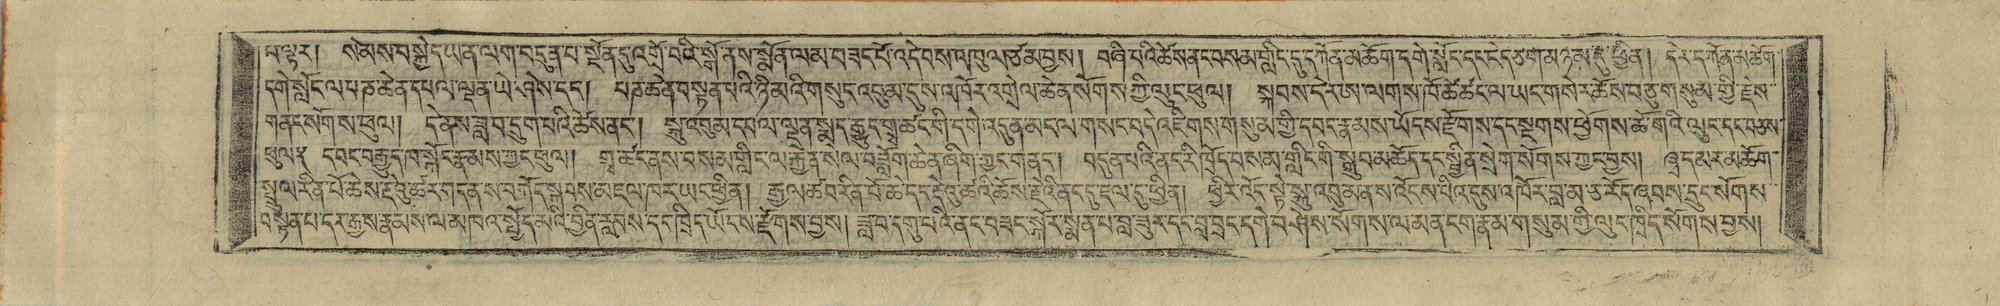པ་ལྟར། སེམས་བསྐྱེད་ཡན་ལག་བདུན་པ་སྔོན་དུ་འགྲོ་བའི་སྒོ་ནས་སྨོན་ལམ་བཟང་པོ་འདེབས་འཁུལ་ཙམ་བྱས། བཞི་བའི་ཚེས་ནང་བསམ་གླིང་དུ་དཀོན་མཆོག་དགེ་སློང་དང་ངེད་ཅག་མཉམ་དུ་ཕྱིན། དེར་དཀོན་མཆོག་
དགེ་སློང་ལ་པཎ་ཆེན་དཔལ་ལྡན་ཡེ་ཤེས་དང་། པཎ་ཆེན་བསྟན་པའི་ཉི་མའི་གསུང་འབུམ་དུས་འཁོར་འགྲེལ་ཆེན་སོགས་ཀྱི་ལུང་ཕུལ། སྐབས་དེར་ཨ་ལགས་ཁོ་ཚེ་ཚང་ལ་ཡང་གསེར་ཆོས་བཅུ་གསུམ་གྱི་རྗེས་
གནང་སོགས་ཕུལ། དེ་ནས་ཟླ་བ་དྲུག་པའི་ཚེས་ནང་། སྐུ་འབུམ་དཔལ་ལྡན་སྨད་རྒྱུད་གྲྭ་ཚང་གི་དགེ་འདུན་མང་ལ་གསང་བདེ་འཇིགས་གསུམ་གྱི་དབང་རྣམས་ཡོངས་རྫོགས་དང་སྔགས་ཕྱོགས་ཆོ་གའི་ལུང་དང་བཅས་
ཕུལ། དབང་བརྒྱུད་ཁ་སྐོང་རྣམས་ཀྱང་ཕུལ། གྲྭ་ཚང་ནས་བསམ་གླིང་ལ་རྐྱེན་སེལ་བཟློག་ཆེན་ཞིག་ཀྱང་གནང་། བདུན་པའི་ནང་རི་ཁྲོད་བསམ་གླིང་གི་སྒྲུབ་མཆོད་དང་སྦྱིན་སྲེག་སོགས་ཀྱང་བྱས། ཞྭ་དམར་མཆོག་
སྤྲུལ་རིན་པོ་ཆེས་རྡེའུ་ཚར་གདན་ས་བཀོད་སྐབས་མཇལ་ཁར་ཡང་ཕྱིན། རྒྱལ་ཚབ་རིན་པོ་ཆེ་དང་རྡེའུ་ཚའི་ཆོས་རྗེའི་ནང་དུ་ཇལ་དུ་ཕྱིན། ཕྱིར་འོང་སྟེ་སྐུ་འབུམ་ནས་འོངས་པའི་དུས་འཁོར་བླ་མ་ཅ་རོད་ཞབས་དྲུང་སོགས་
བསྟན་པ་དར་རྒྱས་རྣམས་ལ་མཁའ་སྤྱོད་མའི་བྱིན་རླབས་དང་ཁྲིད་ཡོངས་རྫོགས་བྱས། ཟླ་བ་དགུ་པའི་ནང་བཟང་སྐོར་སྨན་པ་བླ་ཟུར་དང་བླ་བྲང་དགེ་བཤེས་སོགས་ལ་མན་ངག་རྣམ་གསུམ་གྱི་ལུང་ཁྲིད་སོགས་བྱས།